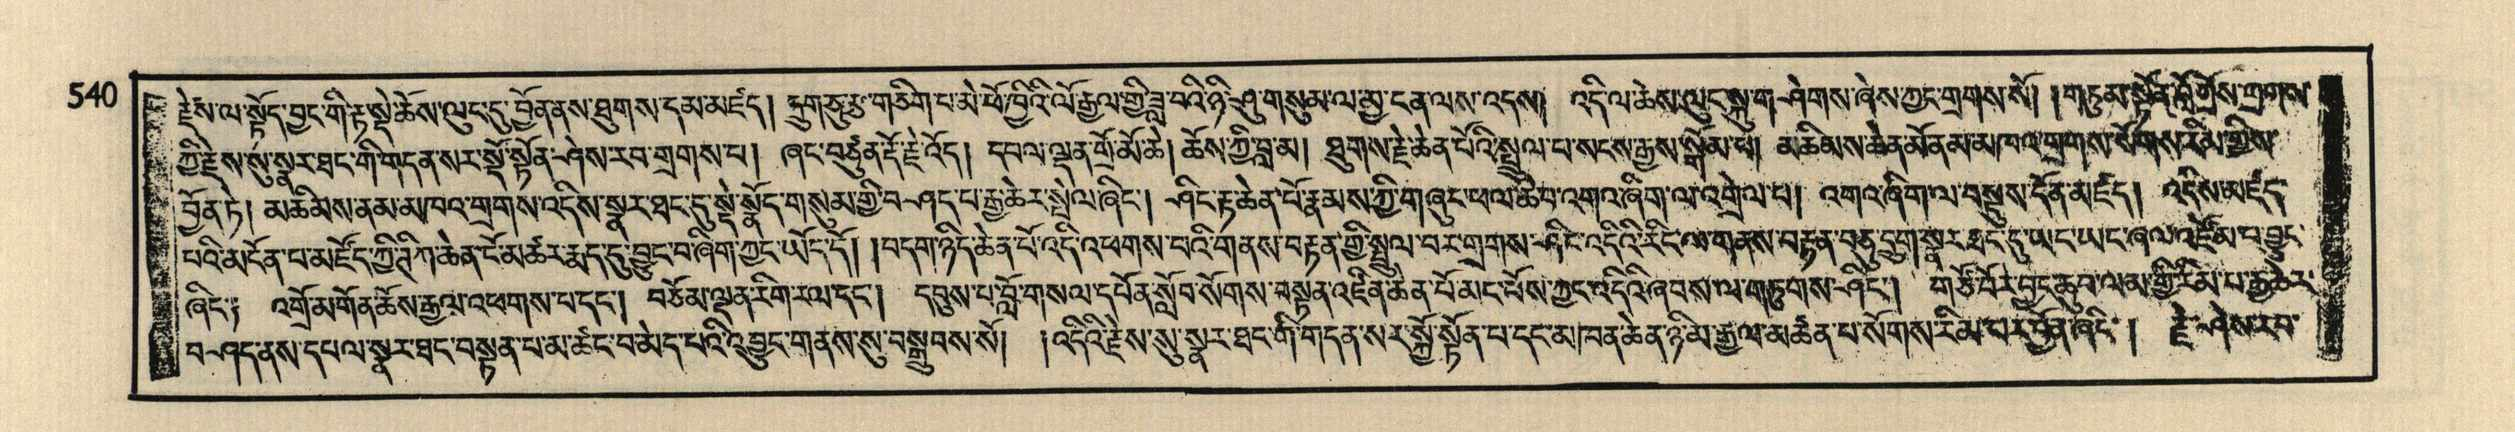རྗེས་ལ་སྟོད་བྱང་གི་རྟ་སྡེ་ཆོས་ལུང་དུ་བྱོན་ནས་ཐུགས་དམ་མཛད། དྲུག་ཅུ་རྩ་གཅིག་པ་མེ་ཕོ་ཁྱིའི་ལོ་རྒྱལ་གྱི་ཟླ་བའི་ཉི་ཤུ་གསུམ་ལ་མྱ་ངན་ལས་འདས། འདི་ལ་ཆེས་ལུང་སྐུ་གཤེགས་ཞེས་ཀྱང་གྲགས་སོ། །གཏུམ་སྟོན་བློ་གྲོས་གྲགས་
ཀྱི་རྗེས་སུ་སྣར་ཐང་གི་གདན་སར་སྡོ་སྟོན་ཤེས་རབ་གྲགས་པ། ཞང་བཙུན་རྡོ་རྗེ་འོད། དཔལ་ལྡན་གྲོ་མོ་ཆེ། ཆོས་ཀྱི་བླ་མ། ཐུགས་རྗེ་ཆེན་པོའི་སྤྲུལ་པ་སངས་རྒྱས་སྒོམ་པ། མཆིམས་ཆེན་མོ་ནམ་མཁའ་གྲགས་སོགས་རིམ་གྱིས་
བྱོན་ཏེ། མཆིམས་ནམ་མཁའ་གྲགས་འདིས་སྣར་ཐང་དུ་སྡེ་སྣོད་གསུམ་གྱི་བཤད་པ་རྒྱ་ཆེར་སྤེལ་ཞིང་། ཤིང་རྟ་ཆེན་པོ་རྣམས་ཀྱི་གཞུང་ཕལ་ཆེ་བ་འགའ་ཞིག་ལ་འགྲེལ་པ། འགའ་ཞིག་ལ་བསྡུས་དོན་མཛད། འདིས་མཛད་
པའི་མངོན་པ་མཛོད་ཀྱི་ཊིཀ་ཆེན་ངོ་མཚར་རྨད་དུ་བྱུང་བ་ཞིག་ཀྱང་ཡོད་དོ། །བདག་ཉིད་ཆེན་པོ་འདི་འཕགས་པའི་གནས་བརྟན་གྱི་སྤྲུལ་བར་གྲགས་ཤིང་འདིའི་རིང་ལ་གནས་བརྟན་བཅུ་དྲུག་སྣར་ཐང་དུ་ཡང་ཡང་ཞལ་འཛོམ་པ་བྱུང་
ཞིང༑ འགྲོ་མགོན་ཆོས་རྒྱལ་འཕགས་པ་དང་། བཅོམ་ལྡན་རིག་རལ་དང་། དབུས་པ་བློ་གསལ་དཔོན་སློབ་སོགས་བསྟན་འཛིན་ཆེན་པོ་མང་པོས་ཀྱང་འདིའི་ཞབས་ལ་གཏུགས་ཤིང་། གཙོ་བོར་བྱང་ཆུབ་ལམ་གྱི་རིམ་པ་རྒྱ་ཆེར་
བཤད་ནས་དཔལ་སྣར་ཐང་བསྟན་པ་མ་ཚང་བ་མེད་པའི་འབྱུང་གནས་སུ་བསྒྲུབས་སོ། །འདིའི་རྗེས་སུ་སྣར་ཐང་གི་གདན་སར་སྐྱོ་སྟོན་པ་དང་མཁན་ཆེན་ཉི་མ་རྒྱལ་མཚན་པ་སོགས་རིམ་པར་བྱོན་ཞིང་། རྗེ་ཤེས་རབ་